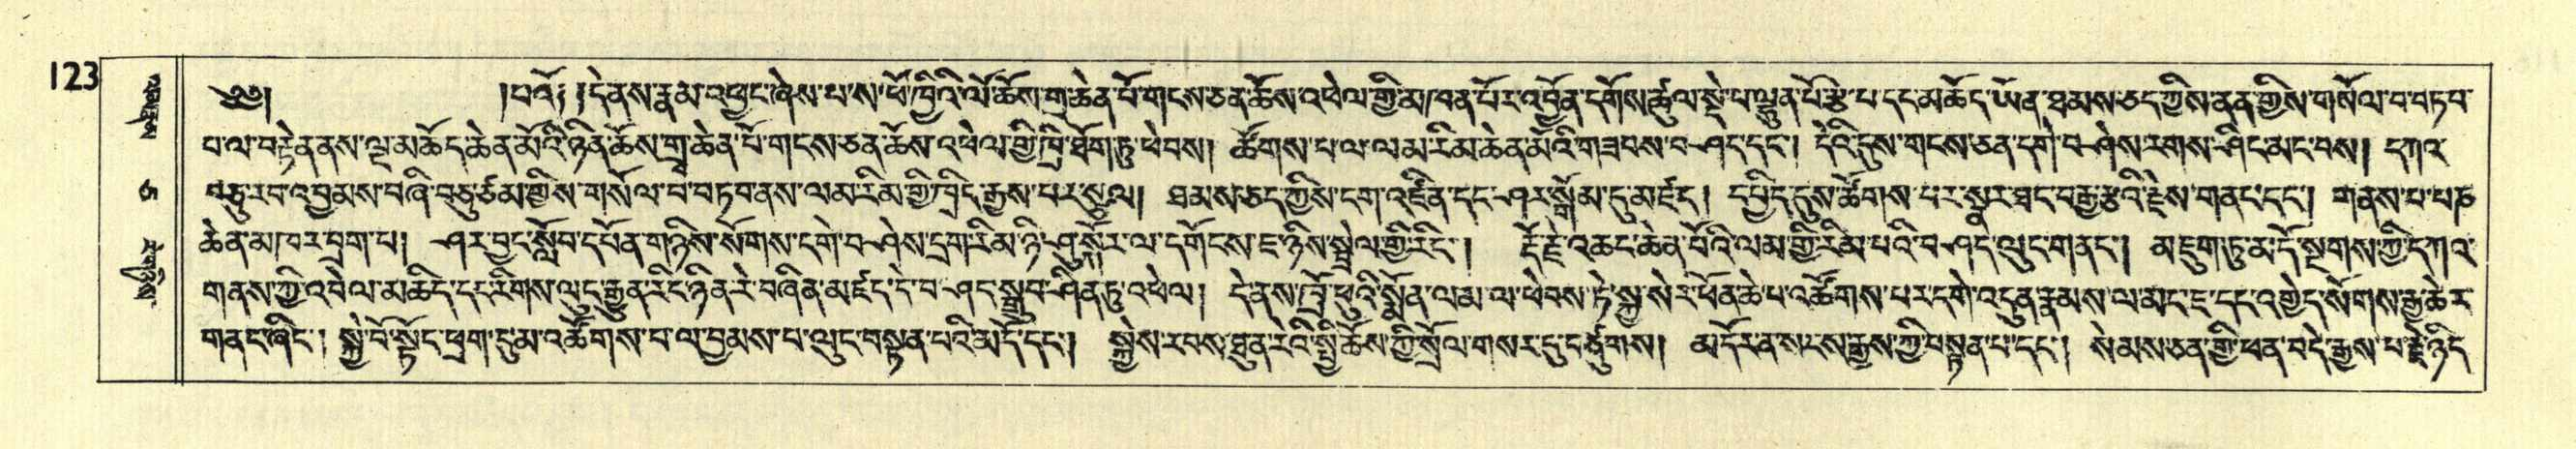༄༅། །པའོ༑ །དེ་ནས་རྣམ་འཕྱང་ཞེས་པ་ས་ཕོ་ཁྱིའི་ལོ་ཆོས་གྲ་ཆེན་པོ་གངས་ཅན་ཆོས་འཕེལ་གྱི་མཁན་པོར་འབྱོན་དགོས་ཚུལ་སྡེ་པ་ལྷུན་པོ་རྩེ་པ་དང་མཆོད་ཡོན་ཐམས་ཅད་ཀྱིས་ནན་གྱིས་གསོལ་བ་བཏབ་
པ་ལ་བརྟེན་ནས་ལྔ་མཆོད་ཆེན་མོའི་ཉིན་ཆོས་གྲྭ་ཆེན་པོ་གངས་ཅན་ཆོས་འཕེལ་གྱི་ཁྲི་ཐོག་ཏུ་ཕེབས། ཚོགས་པ་ལ་ལམ་རིམ་ཆེན་མོའི་གཟབས་བཤད་དང་། དེའི་དུས་གངས་ཅན་དགེ་བཤེས་རགས་ཤིང་མང་བས། དཀའ་
བཅུ་རབ་འབྱམས་བཞི་བཅུ་ཙམ་གྱིས་གསོལ་བ་བཏབ་ནས་ལམ་རིམ་གྱི་ཁྲིད་རྒྱས་པར་སྩལ། ཐམས་ཅད་ཀྱིས་ངག་འཛིན་དང་ཤར་སྒོམ་དུ་མཛད། དཔྱིད་དུས་ཚོགས་པར་སྣར་ཐང་བརྒྱ་རྩའི་རྗེས་གནང་དང་། གནས་པ་པཎ་
ཆེན་མཁར་བྲག་པ། ཤར་བྱང་སློབ་དཔོན་གཉིས་སོགས་དགེ་བཤེས་དྲག་རིམ་ཉི་ཤུ་སྐོར་ལ་དགོངས་ཇ་ཉིས་སྦྲེལ་གྱི་རིང་། རྡོ་རྗེ་འཆང་ཆེན་པོའི་ལམ་གྱི་རིམ་པའི་བཤད་ལུང་གནང་། མཇུག་ཏུ་མདོ་སྔགས་ཀྱི་དཀའ་
གནས་ཀྱི་འབེལ་མཆིད་དང་རིགས་ལུང་རྒྱུན་རིང་ཉིན་རེ་བཞིན་མཛད་དེ་བཤད་སྒྲུབ་ཤིན་ཏུ་འཕེལ། དེ་ནས་ཁྲོ་ཕུའི་སྨོན་ལམ་ལ་ཕེབས་ཏེ་སྐྱ་སེར་ཕོན་ཆེ་པ་འཚོགས་པར་དགེ་འདུན་རྣམས་ལ་མང་ཇ་དང་འགྱེད་སོགས་རྒྱ་ཆེར་
གནང་ཞིང་། སྐྱེ་བོ་སྟོང་ཕྲག་དུ་མ་འཚོགས་པ་ལ་བྱམས་པ་ལུང་བསྟན་པའི་མདོ་དང་། སྐྱེས་རབས་ཐུན་རེའི་སྤྱི་ཆོས་ཀྱི་སྲོལ་གསར་དུ་བཙུགས། མདོར་ན་སངས་རྒྱས་ཀྱི་བསྟན་པ་དང་། སེམས་ཅན་གྱི་ཕན་བདེ་རྒྱས་པ་རྗེ་ཉིད་